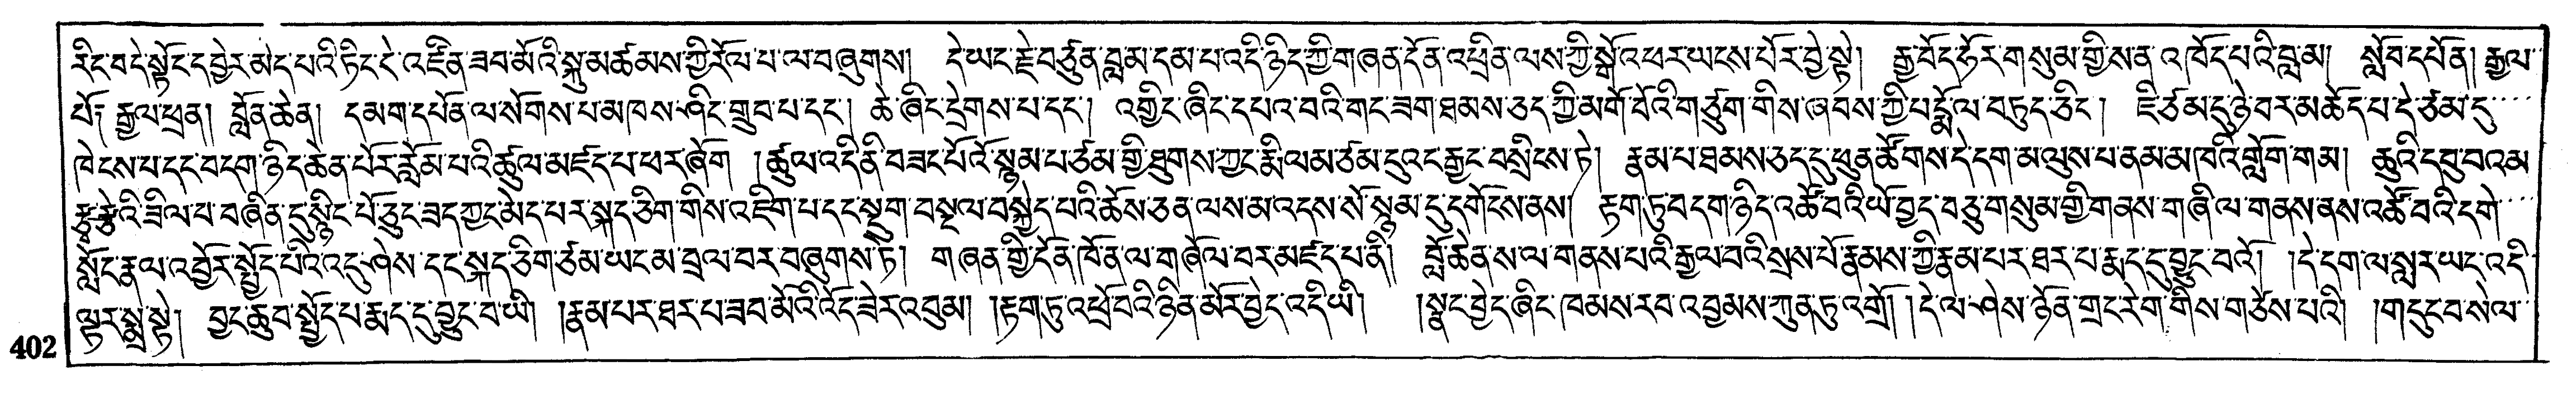རིང་བདེ་སྟོང་དབྱེར་མེད་པའི་ཏིང་ངེ་འཛིན་ཟབ་མོའི་སྐུ་མཚམས་ཀྱི་རོལ་པ་ལ་བཞུགས། དེ་ཡང་རྗེ་བཙུན་བླ་མ་དམ་པ་འདི་ཉིད་ཀྱི་གཞན་དོན་འཕྲིན་ལས་ཀྱི་སྒོ་འཕར་ཡངས་པོར་བྱེ་སྟེ། རྒྱ་བོད་ཧོར་གསུམ་གྱི་ས་ན་འཁོད་པའི་བླ་མ། སློབ་དཔོན། རྒྱལ་
བོ༑ རྒྱལ་ཕྲན། བློན་ཆེན། དམག་དཔོན་ལ་སོགས་པ་མཁས་ཤིང་གྲུབ་པ་དང་། ཆེ་ཞིང་དྲེགས་པ་དང་། འགྱིང་ཞིང་དཔའ་བའི་གང་ཟག་ཐམས་ཅད་ཀྱི་མགོ་བོའི་གཙུག་གིས་ཞབས་ཀྱི་པདམོ་ལ་བཏུད་ཅིང་། ཇི་ཙམ་དུ་ཉེ་བར་མཆོད་པ་དེ་ཙམ་དུ་
ཁེངས་པ་དང་བདག་ཉིད་ཆེན་པོར་རློམ་པའི་ཚུལ་མཛད་པ་ཕར་ཞོག །ཚུལ་འདི་ནི་བཟང་པོའོ་སྙམ་པ་ཙམ་གྱི་ཐུགས་ཀྱང་རྨི་ལམ་ཙམ་དུའང་རྒྱང་བསྲིངས་ཏེ། རྣམ་པ་ཐམས་ཅད་དུ་ཕུན་ཚོགས་དེ་དག་མ་ལུས་པ་ནམ་མཁའི་གློག་གམ། ཆུའི་དབུ་བའམ།
རྩྭ་རྩེའི་ཟིལ་པ་བཞིན་དུ་སྙིང་པོ་ཅུང་ཟད་ཀྱང་མེད་པར་སྐད་ཅིག་གིས་འཇིག་པ་དང་སྡུག་བསྔལ་བསྐྱེད་པའི་ཆོས་ཅན་ལས་མ་འདས་སོ་སྙམ་དུ་དགོངས་ནས། རྟག་ཏུ་བདག་ཉིད་འཚོ་བའི་ཡོ་བྱད་བཅུ་གསུམ་གྱི་གནས་གཞི་ལ་གནས་ནས་འཚོ་བའི་དགེ་
སློང་རྣལ་འབྱོར་སྤྱོད་པའི་འདུ་ཤེས་དང་སྐད་ཅིག་ཙམ་ཡང་མ་བྲལ་བར་བཞུགས་ཏེ། གཞན་གྱི་དོན་ཁོ་ན་ལ་གཞོལ་བར་མཛད་པ་ནི། བློ་ཆེན་ས་ལ་གནས་པའི་རྒྱལ་བའི་སྲས་པོ་རྣམས་ཀྱི་རྣམ་པར་ཐར་པ་རྨད་དུ་བྱུང་བའོ། །དེ་དག་ལ་སླར་ཡང་འདི་
ལྟར་སྨྲ་སྟེ། བྱང་ཆུབ་སྤྱོད་པ་རྨད་དུ་བྱུང་བ་ཡི། །རྣམ་པར་ཐར་པ་ཟབ་མོའི་འོད་ཟེར་འབུམ། །རྟག་ཏུ་འཕྲོ་བའི་ཉིན་མོར་བྱེད་འདི་ཡི། །སྣང་བྱེད་ཞིང་ཁམས་རབ་འབྱམས་ཀུན་ཏུ་འཕྲོ། །དེ་ལ་ཤེས་ཉོན་གྲང་རེག་གིས་གཙོས་པའི། །གདུང་བ་སེལ་